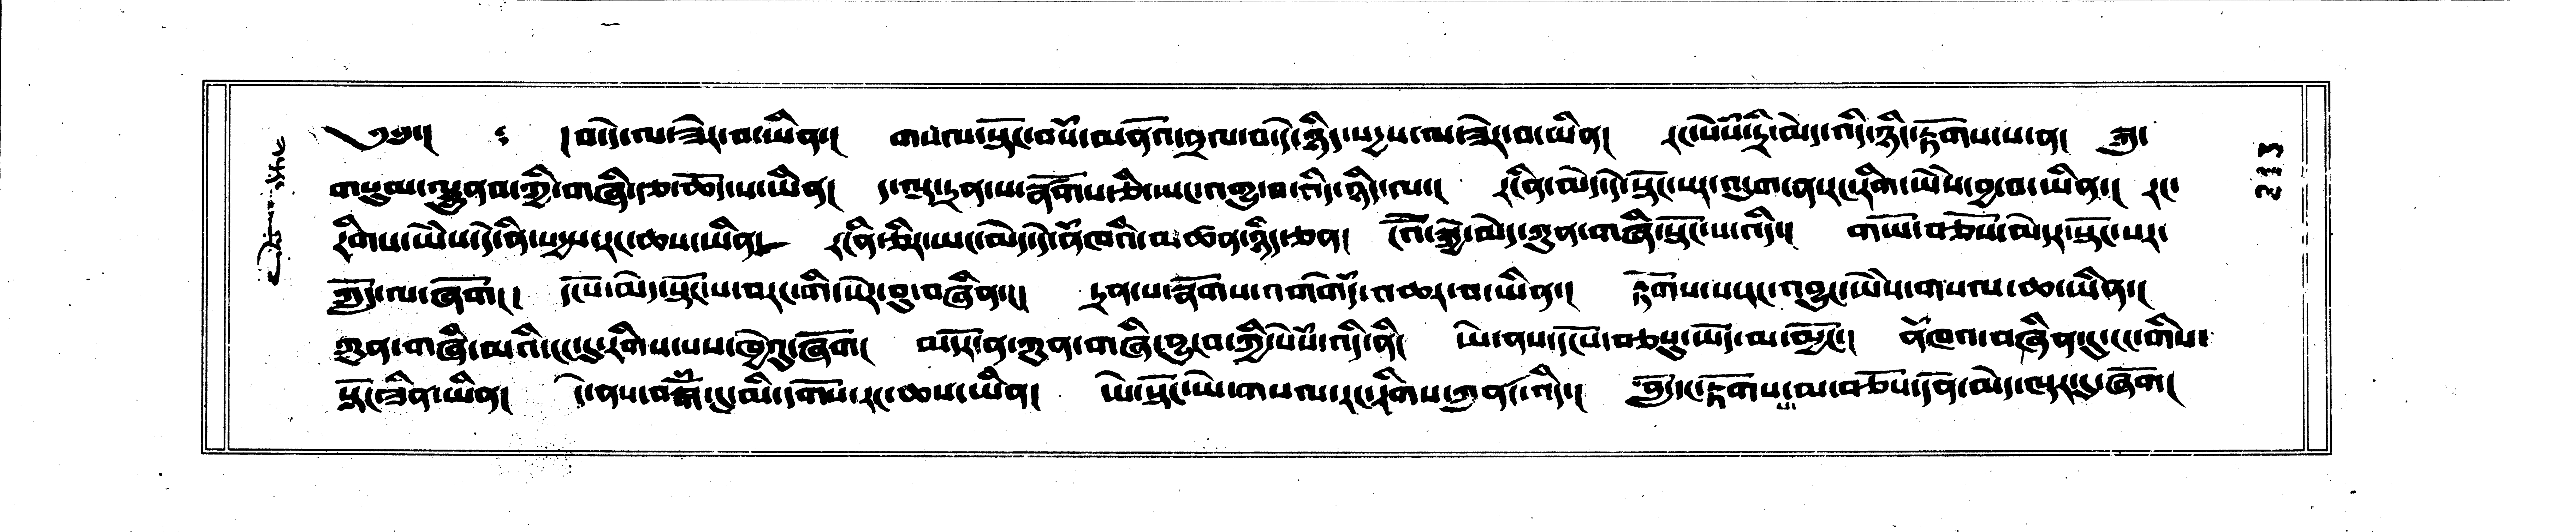བ་ལ་ཟེར་བ་ཡིན། གསལ་སྟོང་བསམ་མནོའ་དང་བྲལ་བ་དེ་ཉིད་ལ་སངས་རྒྱས་ཟེར་བ་ཡིན། རང་སེམས་དྲི་མེད་འདི་ཉིད་རྟོགས་པན་༼པས༽ན། སྐུ་
གསུམ་ལྷུན་གྲུབ་ཀྱིས་གཞི་རྩ་ཆོད་པ་ཡིན། ད་ལྟ་དྲན་པ་སྣ་ཚོགས་འགྱུ་བ་དེ་ཉིད་ལ་རང་བཞིན་མེད་དེ་སྟོང་པར་འདུག་ན། རང་རིག་ཡེ་ཤེས་བྱ་བ་ཡིན། རང་
རིག་ཡེ་ཤེས་དེ་ནི་སངས་རྒྱས་རང་ཆས་ཡིན། རང་བཞིན་ཅི་ཡང་མེད་དེ་ནམ་མཁའི་མཚན་ཉིད་ཅན། ངོའོ་སྐྱེ་མེད་ཀུན་གཞི་སྟོང་པ་འདི། གཡོ་བཅོས་མེད་པར་
རང་སར་ཀློད་ལ་ཞོག དངོས་མེད་སྟོང་པར་བར་སྣང་གི་སེར་བུ་བཞིན། དྲན་པ་སྣ་ཚོགས་འགགས་མེད་འཆར་བ་འདི། རྟོགས་པ་རང་འབྱུང་ཡེ་ཤེས་གསལ་ཆ་ཡིན། 
ཀུན་གཞི་མའི་ངང་དུ་རང་རིག་ཁྱེའུ་ཞོག མདོར་ན་ཀུན་གཞི་བྱང་ཆུབ་སེམས་འདི་ནི། ཡེ་ནས་དངོས་བཅས་སུ་ཡོད་མ་མྱོང་། ནམ་མཁའི་བཞིན་དུ་ངང་གིས་
སྟོང་ཟིན་ཡིན། དེ་ནས་སྒོམ་དུ་མི་དགོས་སྟོང་པར་རང་ཆས་ཡིན། ཡེ་སྟོང་ཡེ་གསལ་རང་རིག་ཀུན་སྣང་འདི། བློ་དང་རྟོག་པས་མ་བཅོས་དོན་མེད་ལྟར་དུ་ཞོག